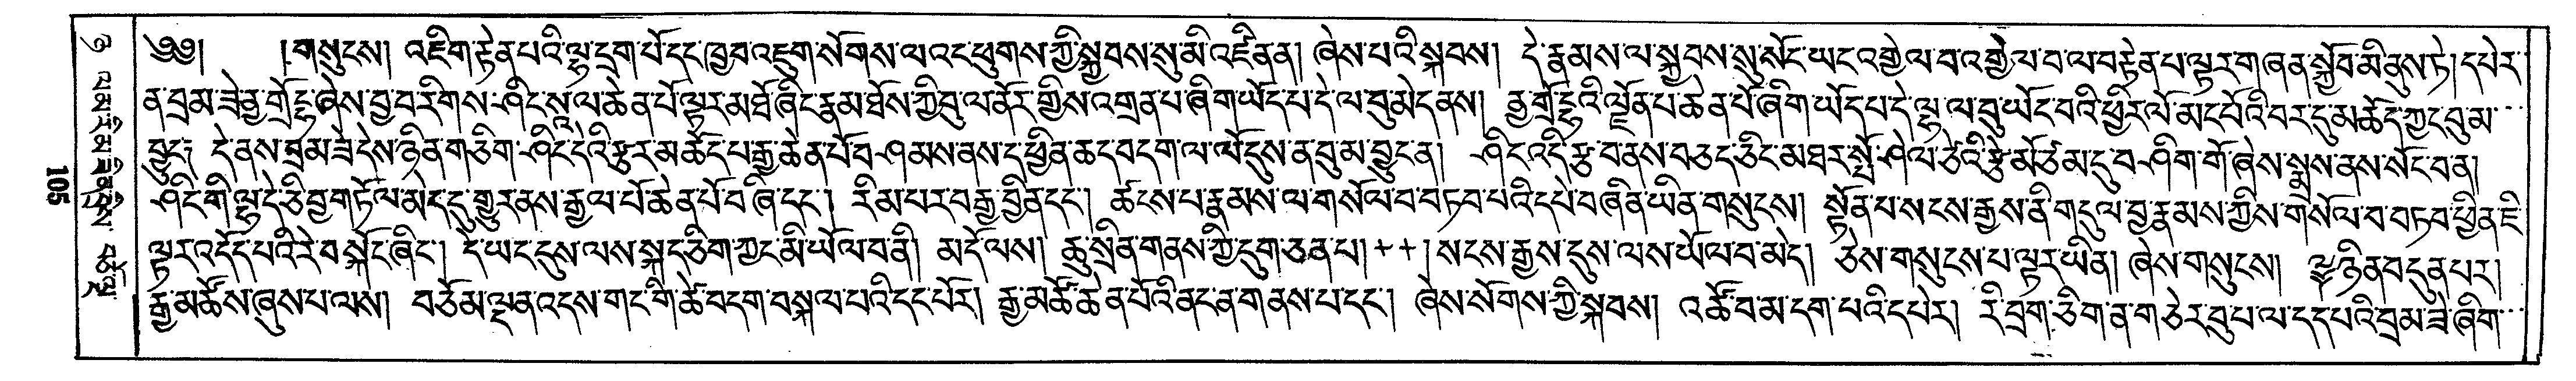༄༅། །གསུངས། འཇིག་རྟེན་བའི་ལྷ་དྲག་བོ་དང་ཁྱབ་འཇུག་སོགས་ལའང་ཕུགས་ཀྱི་སྐྱབས་སུ་མི་འཛིན་ན། ཞེས་པའི་སྐབས། དེ་རྣམས་ལ་སྐྱབས་སུ་སོང་ཡང་འགྱེལ་བ་འགྱེལ་བ་ལ་བརྟེན་པ་ལྟར་གཞན་སྐྱོབ་མི་ནུས་ཏེ། དཔེར་
ན་བྲམ་ཟེ་ནྱ་གྲོདྷ་ཞེས་བྱ་བ་རིགས་ཤིང་སཱ་ལ་ཆེན་པོ་ལྟར་མཐོ་ཞིང་རྣམ་ཐོས་ཀྱི་བུ་ལ་ནོར་གྱིས་འགྲན་པ་ཞིག་ཡོད་པ་དེ་ལ་བུ་མེད་ནས། ནྱ་གྲོདྷའི་ལྗོན་པ་ཆེན་པོ་ཞིག་ཡོད་པ་དེ་ལྷ་ལ་བུ་ཡོང་བའི་ཕྱིར་ལོ་མང་པོའི་བར་དུ་མཆོད་ཀྱང་བུ་མ་
བྱུང༑ དེ་ནས་བྲམ་ཟེ་དེས་ཉིན་གཅིག་ཤིང་དེའི་རྩར་མཆོད་པ་རྒྱ་ཆེན་པོ་བཤམས་ནས་ད་ཕྱིན་ཆད་བདག་ལ་ལོ་དུས་ན་བུ་མ་བྱུང་ན། ཤིང་འདི་རྩ་བ་ནས་བཅད་ཅིང་མཐར་སྤོ་ཤེལ་ཙའི་རྩེ་མོ་ཙམ་དུ་བ་ཤིག་གོ་ཞེས་སྨྲས་ནས་སོང་བ་ན།
ཤིང་གི་ལྷ་དེ་ཅི་བྱ་གཏོལ་མེད་དུ་གྱུར་ནས་རྒྱལ་པོ་ཆེན་པོ་བཞི་དང་། རིམ་པར་བརྒྱ་བྱིན་དང་། ཚངས་བ་རྣམས་ལ་གསོལ་བ་བཏབ་བའི་དཔེ་བཞིན་ཡིན་གསུངས། སྟོན་པ་སངས་རྒྱས་ནི་གདུལ་བྱ་རྣམས་ཀྱིས་གསོལ་བ་བཏབ་ཕྱིན་ཇི་
ལྟར་འདོད་པའི་རེ་བ་སྐོང་ཞིང་། དེ་ཡང་དུས་ལས་སྐད་ཅིག་ཀྱང་མི་ཡོལ་བ་ནི། མདོ་ལས། ཆུ་སྲིན་གནས་ཀྱི་དུག་ཅན་བ། །སངས་རྒྱས་དུས་ལས་ཡོལ་བ་མེད། ཅེས་གསུངས་པ་ལྟར་ཡིན། ཞེས་གསུངས། ༈ ཉིན་བདུན་པར།
རྒྱ་མཚོས་ཞུས་པ་ལས། བཅོམ་ལྡན་འདས་གང་གི་ཚེ་བདག་བསྐལ་པའི་དང་པོར། རྒྱ་མཚོ་ཆེན་པོའི་ནང་ན་གནས་པ་དང་། ཞེས་སོགས་ཀྱི་སྐབས། འཚོ་བ་མ་དག་པའི་དཔེར། རི་བྲག་ཅིག་ན་གཅེར་བུ་པ་ལ་དད་པའི་བྲམ་ཟེ་ཞིག་